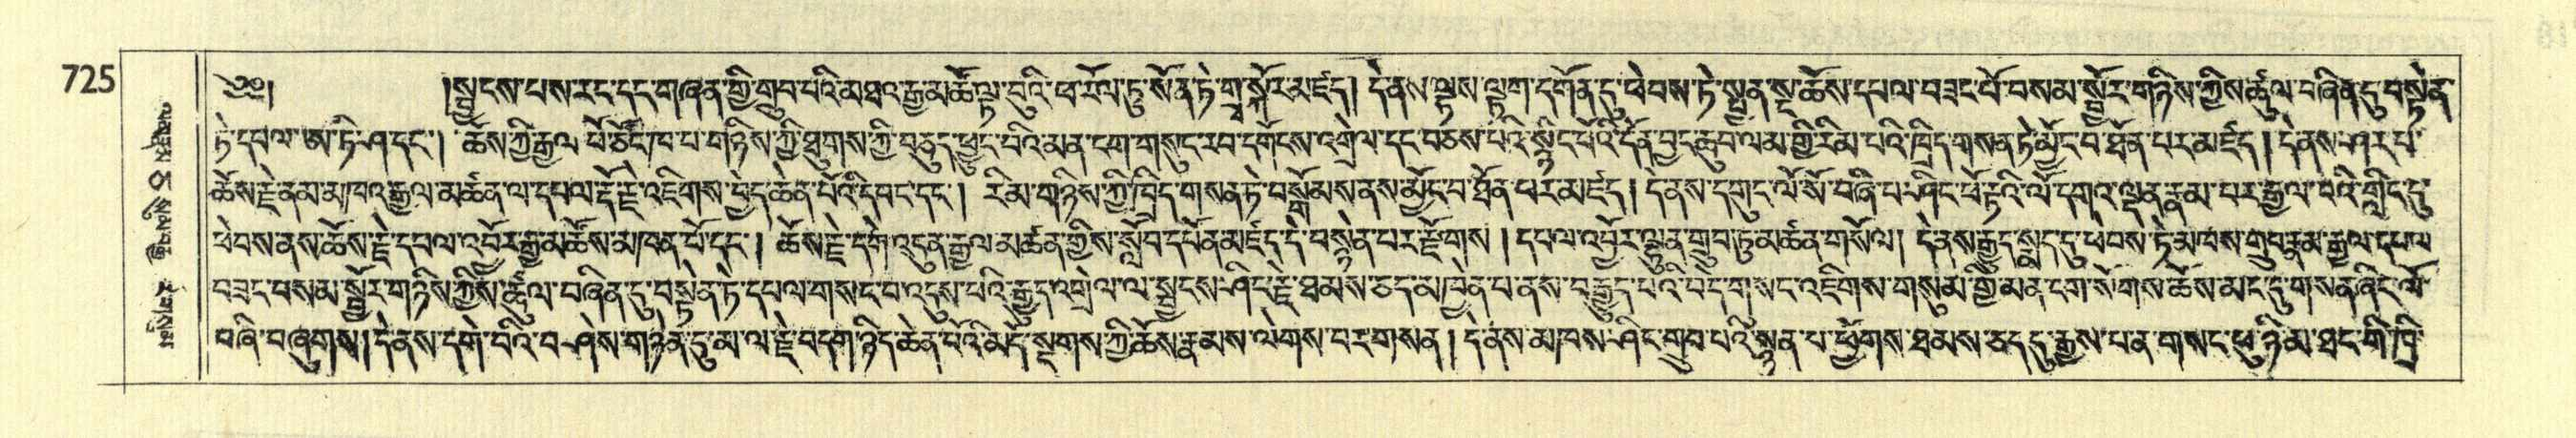༄༅། །སྦྱངས་པས་རང་དང་གཞན་གྱི་གྲུབ་པའི་མཐའ་རྒྱ་མཚོ་ལྟ་བུའི་ཕ་རོལ་ཏུ་སོན་ཏེ་གྲྭ་སྐོར་མཛད། དེ་ནས་ལྷས་ལྟག་དགོན་དུ་ཕེབས་ཏེ་སྤྱན་སྔ་ཆོས་དཔལ་བཟང་པོ་བསམ་སྦྱོར་གཉིས་ཀྱིས་ཚུལ་བཞིན་དུ་བསྟེན་
ཏེ་དཔལ་ཨ་ཏི་ཤ་དང་། ཆོས་ཀྱི་རྒྱལ་པོ་ཙོང་ཁ་པ་གཉིས་ཀྱི་ཐུགས་ཀྱི་བཅུད་ཕྱུང་པའི་མན་ངག་གསུང་རབ་དགོངས་འགྲེལ་དང་བཅས་པའི་སྙིང་པོའི་དོན་བྱང་ཆུབ་ལམ་གྱི་རིམ་པའི་ཁྲིད་གསན་ཏེ་མྱོང་བ་ཐོན་པར་མཛད། དེ་ནས་ཤར་པ་
ཆོས་རྗེ་ནམ་མཁའ་རྒྱལ་མཚན་ལ་དཔལ་རྡོ་རྗེ་འཇིགས་བྱེད་ཆེན་པོའི་དབང་དང་། རིམ་གཉིས་ཀྱི་ཁྲིད་གསན་ཏེ་བསྒོམས་ནས་མྱོང་བ་ཐོན་པར་མཛད། དེ་ནས་དགུང་ལོ་སོ་བཞི་པ་ཤིང་ཕོ་རྟའི་ལོ་དགའ་ལྡན་རྣམ་པར་རྒྱལ་བའི་གླིང་དུ་
ཕེབས་ནས་ཆོས་རྗེ་དཔལ་འབྱོར་རྒྱ་མཚོས་མཁན་པོ་དང་། ཆོས་རྗེ་དགེ་འདུན་རྒྱལ་མཚན་གྱིས་སློབ་དཔོན་མཛད་དེ་བསྙེན་པར་རྫོགས། དཔལ་འབྱོར་ལྷུན་གྲུབ་ཏུ་མཚན་གསོལ། དེ་ནས་རྒྱུད་སྨད་དུ་ཕེབས་ཏེ་མཁས་གྲུབ་རྣམ་རྒྱལ་དཔལ་
བཟང་བསམ་སྦྱོར་གཉིས་ཀྱིས་ཚུལ་བཞིན་དུ་བསྟེན་ཏེ་དཔལ་གསང་བ་འདུས་པའི་རྒྱུད་འགྲེལ་ལ་སྦྱངས་ཤིང་རྗེ་ཐམས་ཅད་མཁྱེན་པ་ནས་བརྒྱུད་པའི་བདེ་གསང་འཇིགས་གསུམ་གྱི་མན་ངག་སོགས་ཆོས་མང་དུ་གསན་ཞིང་ལོ་
བཞི་བཞུགས། དེ་ནས་དགེ་བའི་བཤེས་གཉེན་དུ་མ་ལ་རྗེ་བདག་ཉིད་ཆེན་པོའི་མདོ་སྔགས་ཀྱི་ཆོས་རྣམས་ལེགས་པར་གསན། དེ་ནས་མཁས་ཤིང་གྲུབ་པའི་སྙན་པ་ཕྱོགས་ཐམས་ཅད་དུ་རྒྱས་པ་ན་གསང་ཕུ་ཉི་མ་ཐང་གི་ཁྲི་